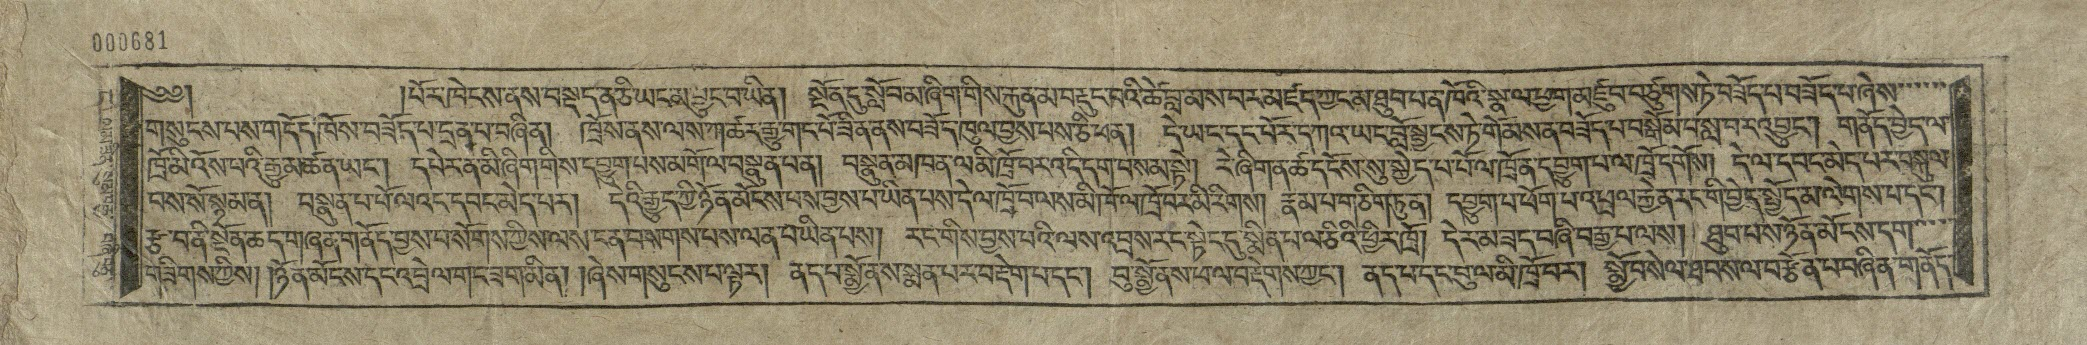༄༅། །པོར་ཁེངས་ནས་བསྡད་ན་ཅི་ཡང་མ་བྱུང་བ་ཡིན། སྔོན་དུ་སློབ་མ་ཞིག་གིས་རྐུན་མ་བརྡུང་བའི་ཚེ་བླ་མས་བར་མཛད་ཀྱང་མ་ཐུབ་པ་ན་ཁོའི་སྣ་ལ་ཕྱག་མཛུབ་བཙུགས་ཏེ་བཟོད་པ་བཟོད་པ་ཞེས་
གསུངས་པས་གདོད་ཁོས་བཟོད་པ་དྲན་པ་བཞིན། ཁྲོས་ནས་ལས་ཀ་ཚར་རྒྱུ་གང་པོ་ཟིན་ནས་བཟོད་ཁུལ་བྱས་པས་ཅི་ཕན། དེ་ཡང་དང་པོར་དཀའ་ཡང་བློ་སྦྱངས་ཏེ་གོམས་ན་བཟོད་པ་བསྒོམ་པ་སླ་བར་འབྱུང་། གནོད་བྱེད་ལ་
ཁྲོ་མི་འོས་པའི་རྒྱུ་མཚན་ཡང་། དཔེར་ན་མི་ཞིག་གིས་དབྱུག་པས་མགོ་ལ་བསྣུན་པ་ན། བསྣུན་མཁན་ལ་མི་ཁྲོ་བར་འདི་དག་བསམ་སྟེ། རེ་ཞིག་ན་ཚ་དངོས་སུ་སྐྱེད་པ་པོ་ལ་ཁོ་ན་དབྱུག་པ་ལ་ཁོ་དགོས། དེ་ལ་དབང་མེད་པར་བསྐུལ་
བས་སོ་སྙམ་ན། བསྣུན་པ་པོ་ལའང་དབང་མེད་པར། དེའི་རྒྱུད་ཀྱི་ཉོན་མོངས་པས་བྱས་པ་ཡིན་པས་དེ་ལ་ཁྲོ་བ་ལས་མི་ཁོ་ལ་ཁྲོ་བར་མི་རིགས། རྣམ་པ་གཅིག་ཏུ་ན། དབྱུག་པ་ཕོག་པ་འཕྲལ་རྐྱེན་རང་གི་བྱེད་སྤྱོད་མ་ལེགས་པ་དང་།
རྩ་བ་ནི་སྔོན་ཆད་གཞན་གནོད་བྱས་པ་སོགས་ཀྱིས་ལས་ངན་བསགས་པས་ལན་པ་ཡིན་པས། རང་གིས་བྱས་པའི་ལས་འབྲས་རང་སྟེང་དུ་སྨིན་པ་ལ་ཅིའི་ཕྱིར་ཁྲོ། དེར་མ་ཟད་བཞི་བརྒྱ་པ་ལས། ཐུབ་པས་ཉོན་མོངས་དག་
གཟིགས་ཀྱིས། །ཉོན་མོངས་དང་འབྲེལ་གང་ཟག་མིན། །ཞེས་གསུངས་པ་ལྟར། ནད་པ་སྨྱོ་ནས་སྨན་པར་བརྡེག་པ་དང་། བུ་སྨྱོ་ནས་ཕ་ལ་བརྡེགས་ཀྱང་། ནད་པ་དང་བུ་ལ་མི་ཁྲོ་བ། སྨྱོ་བ་སེལ་ཐབས་ལ་བརྩོན་པ་བཞིན་གནོད་